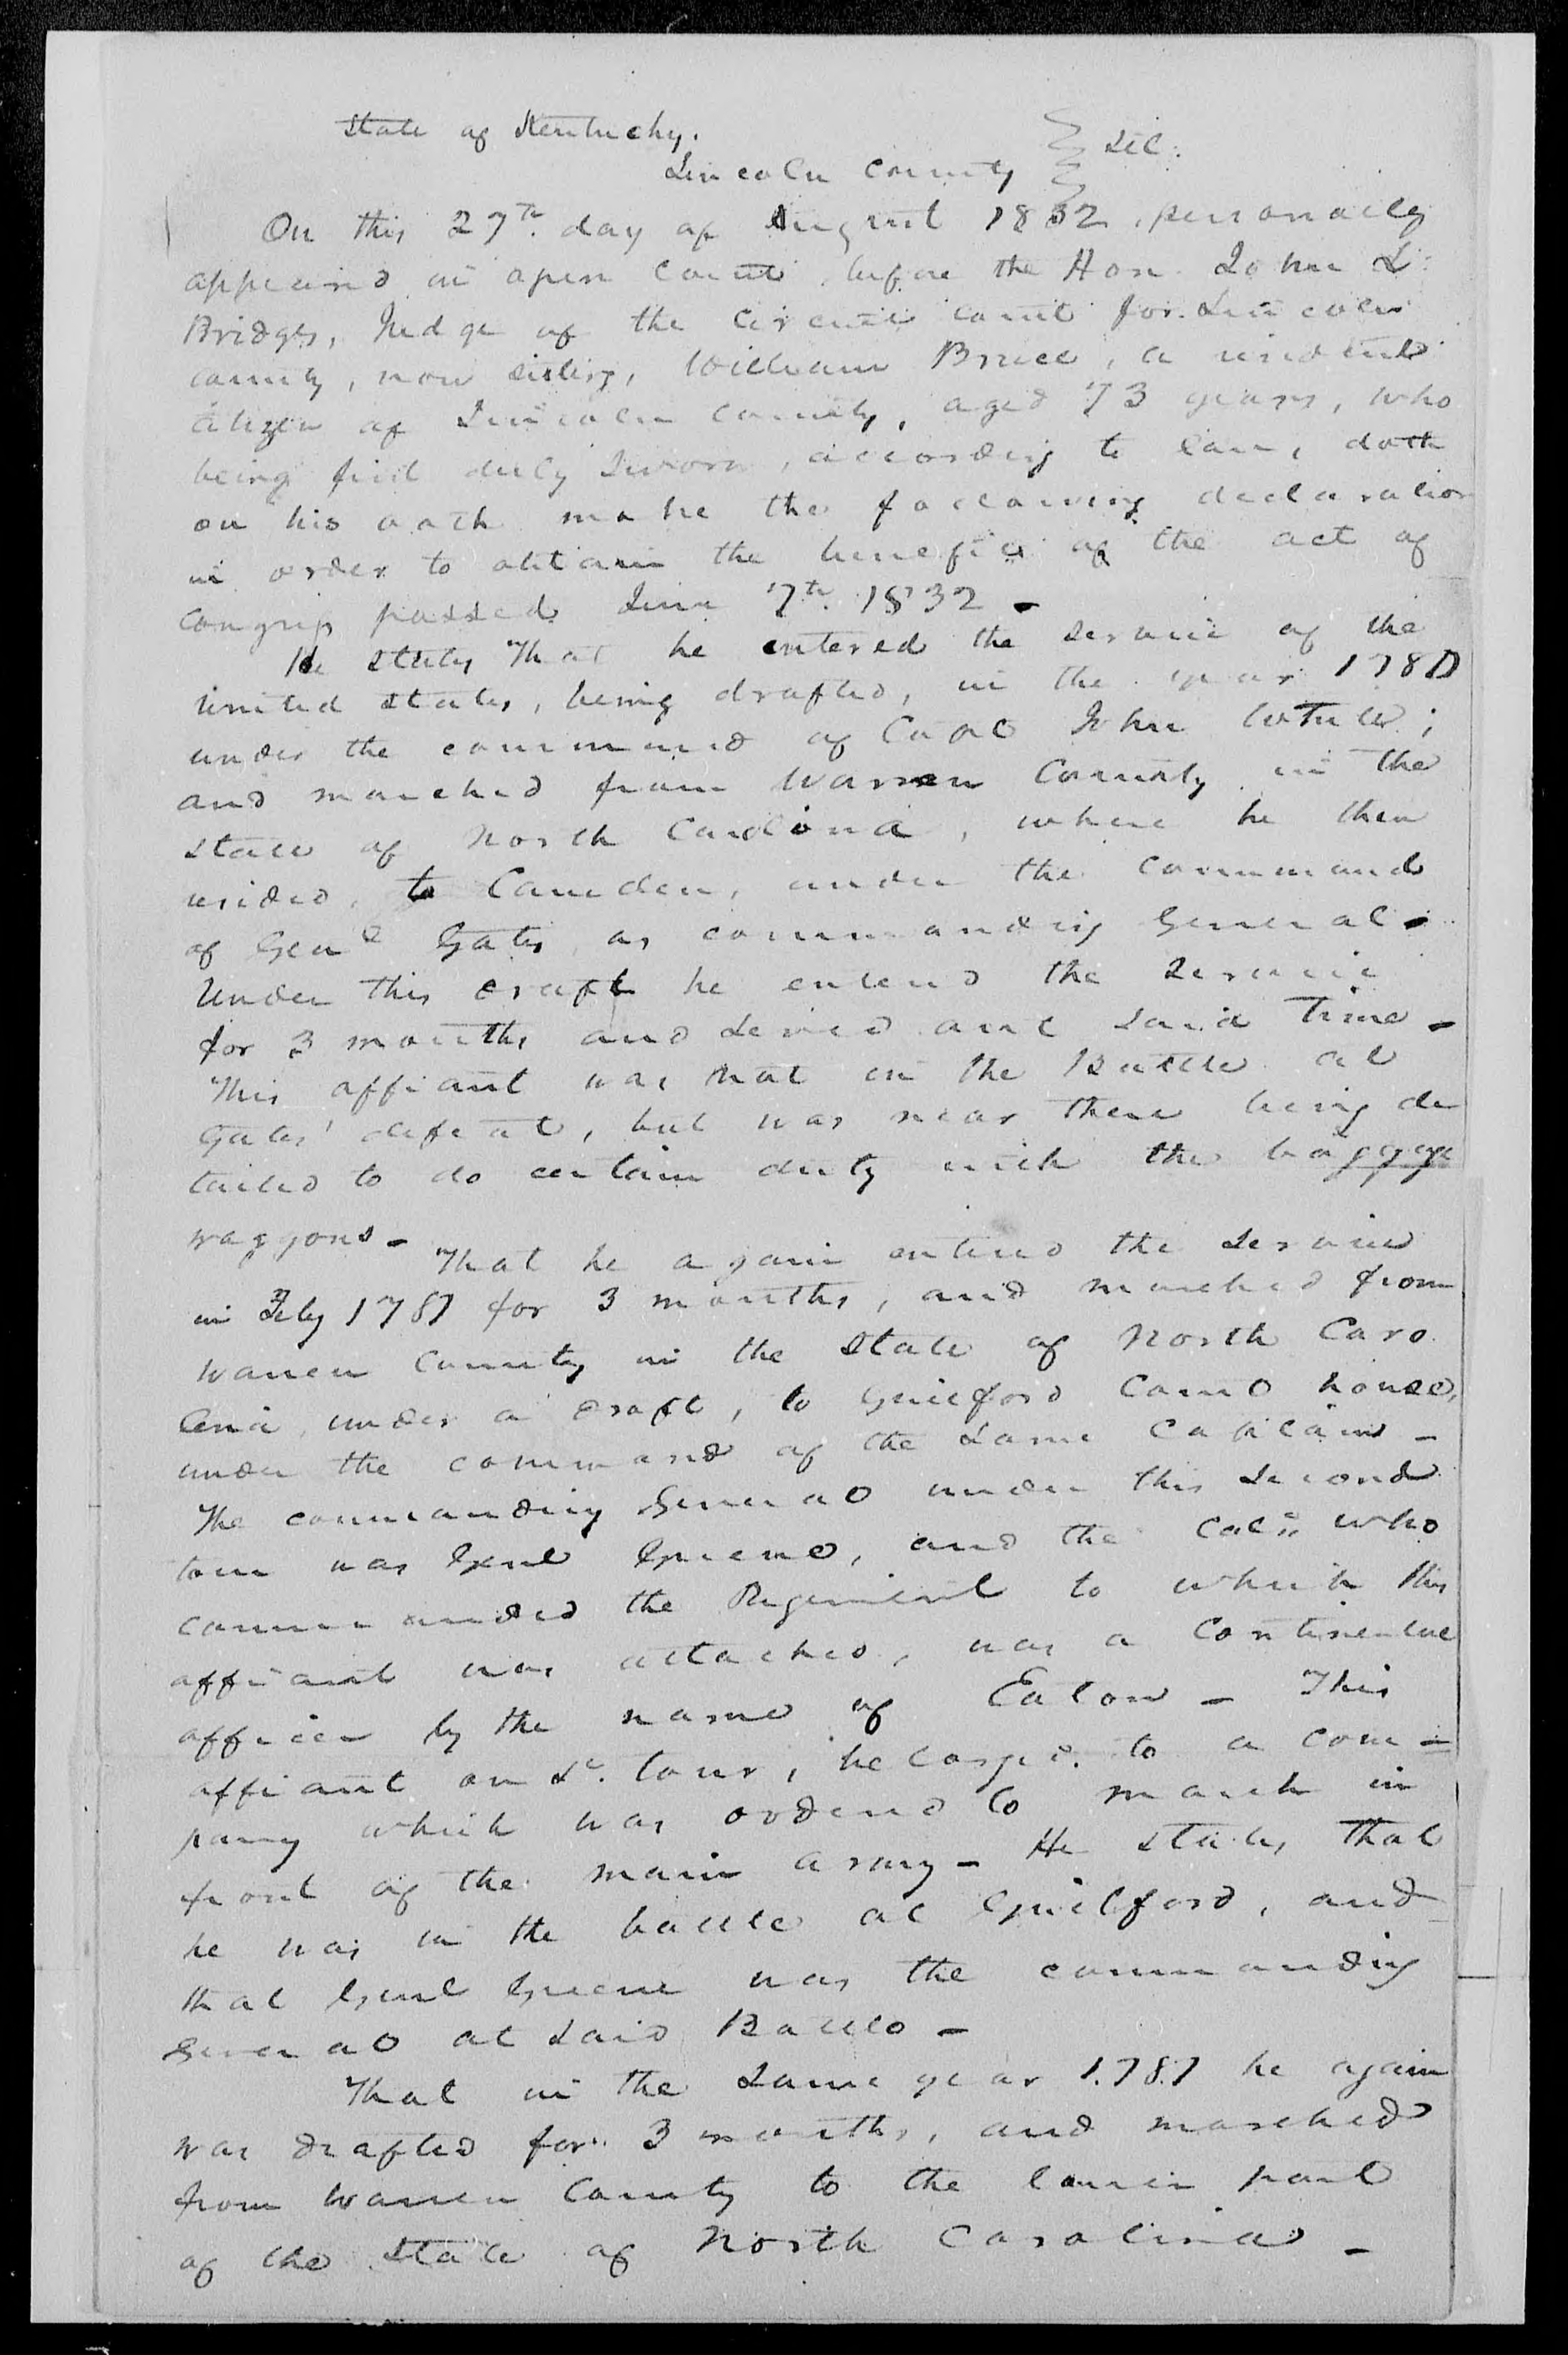State of Kentucky,}
Lincoln County} Sct. 
On this 27th day of August 1832, personally appeared in open Court before the Hon. John L Bridges, Judge of the circuit court for Lincoln County, now sitting, William Bruce, a resident citizen of Lincoln County, aged 73 years, who being first duly sworn, according to law, doth on his oath make the following declaration in order to obtain the benefit of the act of Congress passed June 7th 1832. 

He states that he entered the service of the United States, being drafted, in the year 1780 under the command of Capt. John White; and marched from Warren County in the state of North Carolina, where he then resided, to Camden [SC], under the command of Gen’l. [General Horatio] Gates as commanding General. Under this draft he entered the service for 3 months and served out said time. This affiant was not in the Battle at Gates’ defeat [Battle of Camden, 16 Aug 1780], but was near there being detailed to do certain duty with the baggage wagons [wagons]. 

That he again entered the service in Feb’y [February] 1781 for 3 months, and marched from Warren County in the State of North Carolina, under a draft, to Guilford Court house under the command of the same Captain. The commanding General under this second tour was Gen’l [General Nathanael] Greene, and the Colo. who commanded the Regiment to which this affiant was attached was a Continental officer by the name of [Thomas] Eaton. This affiant on s’d. [said] tour, belonged to a company which was ordered to march in front of the main army. He states that he was in the battle at Guilford [15 Mar 1781], and that Gen’l [General] Greene was the commanding General at said Battle. 

That in the same year 1781 he again was drafted for 3 months, and marched from Warren County to the lower part of the state of North Carolina-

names: William Bruce, Eaton, John L Bridges, John White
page: 5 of 54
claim: survivor's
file: S. 30287, William Bruce, N.C.